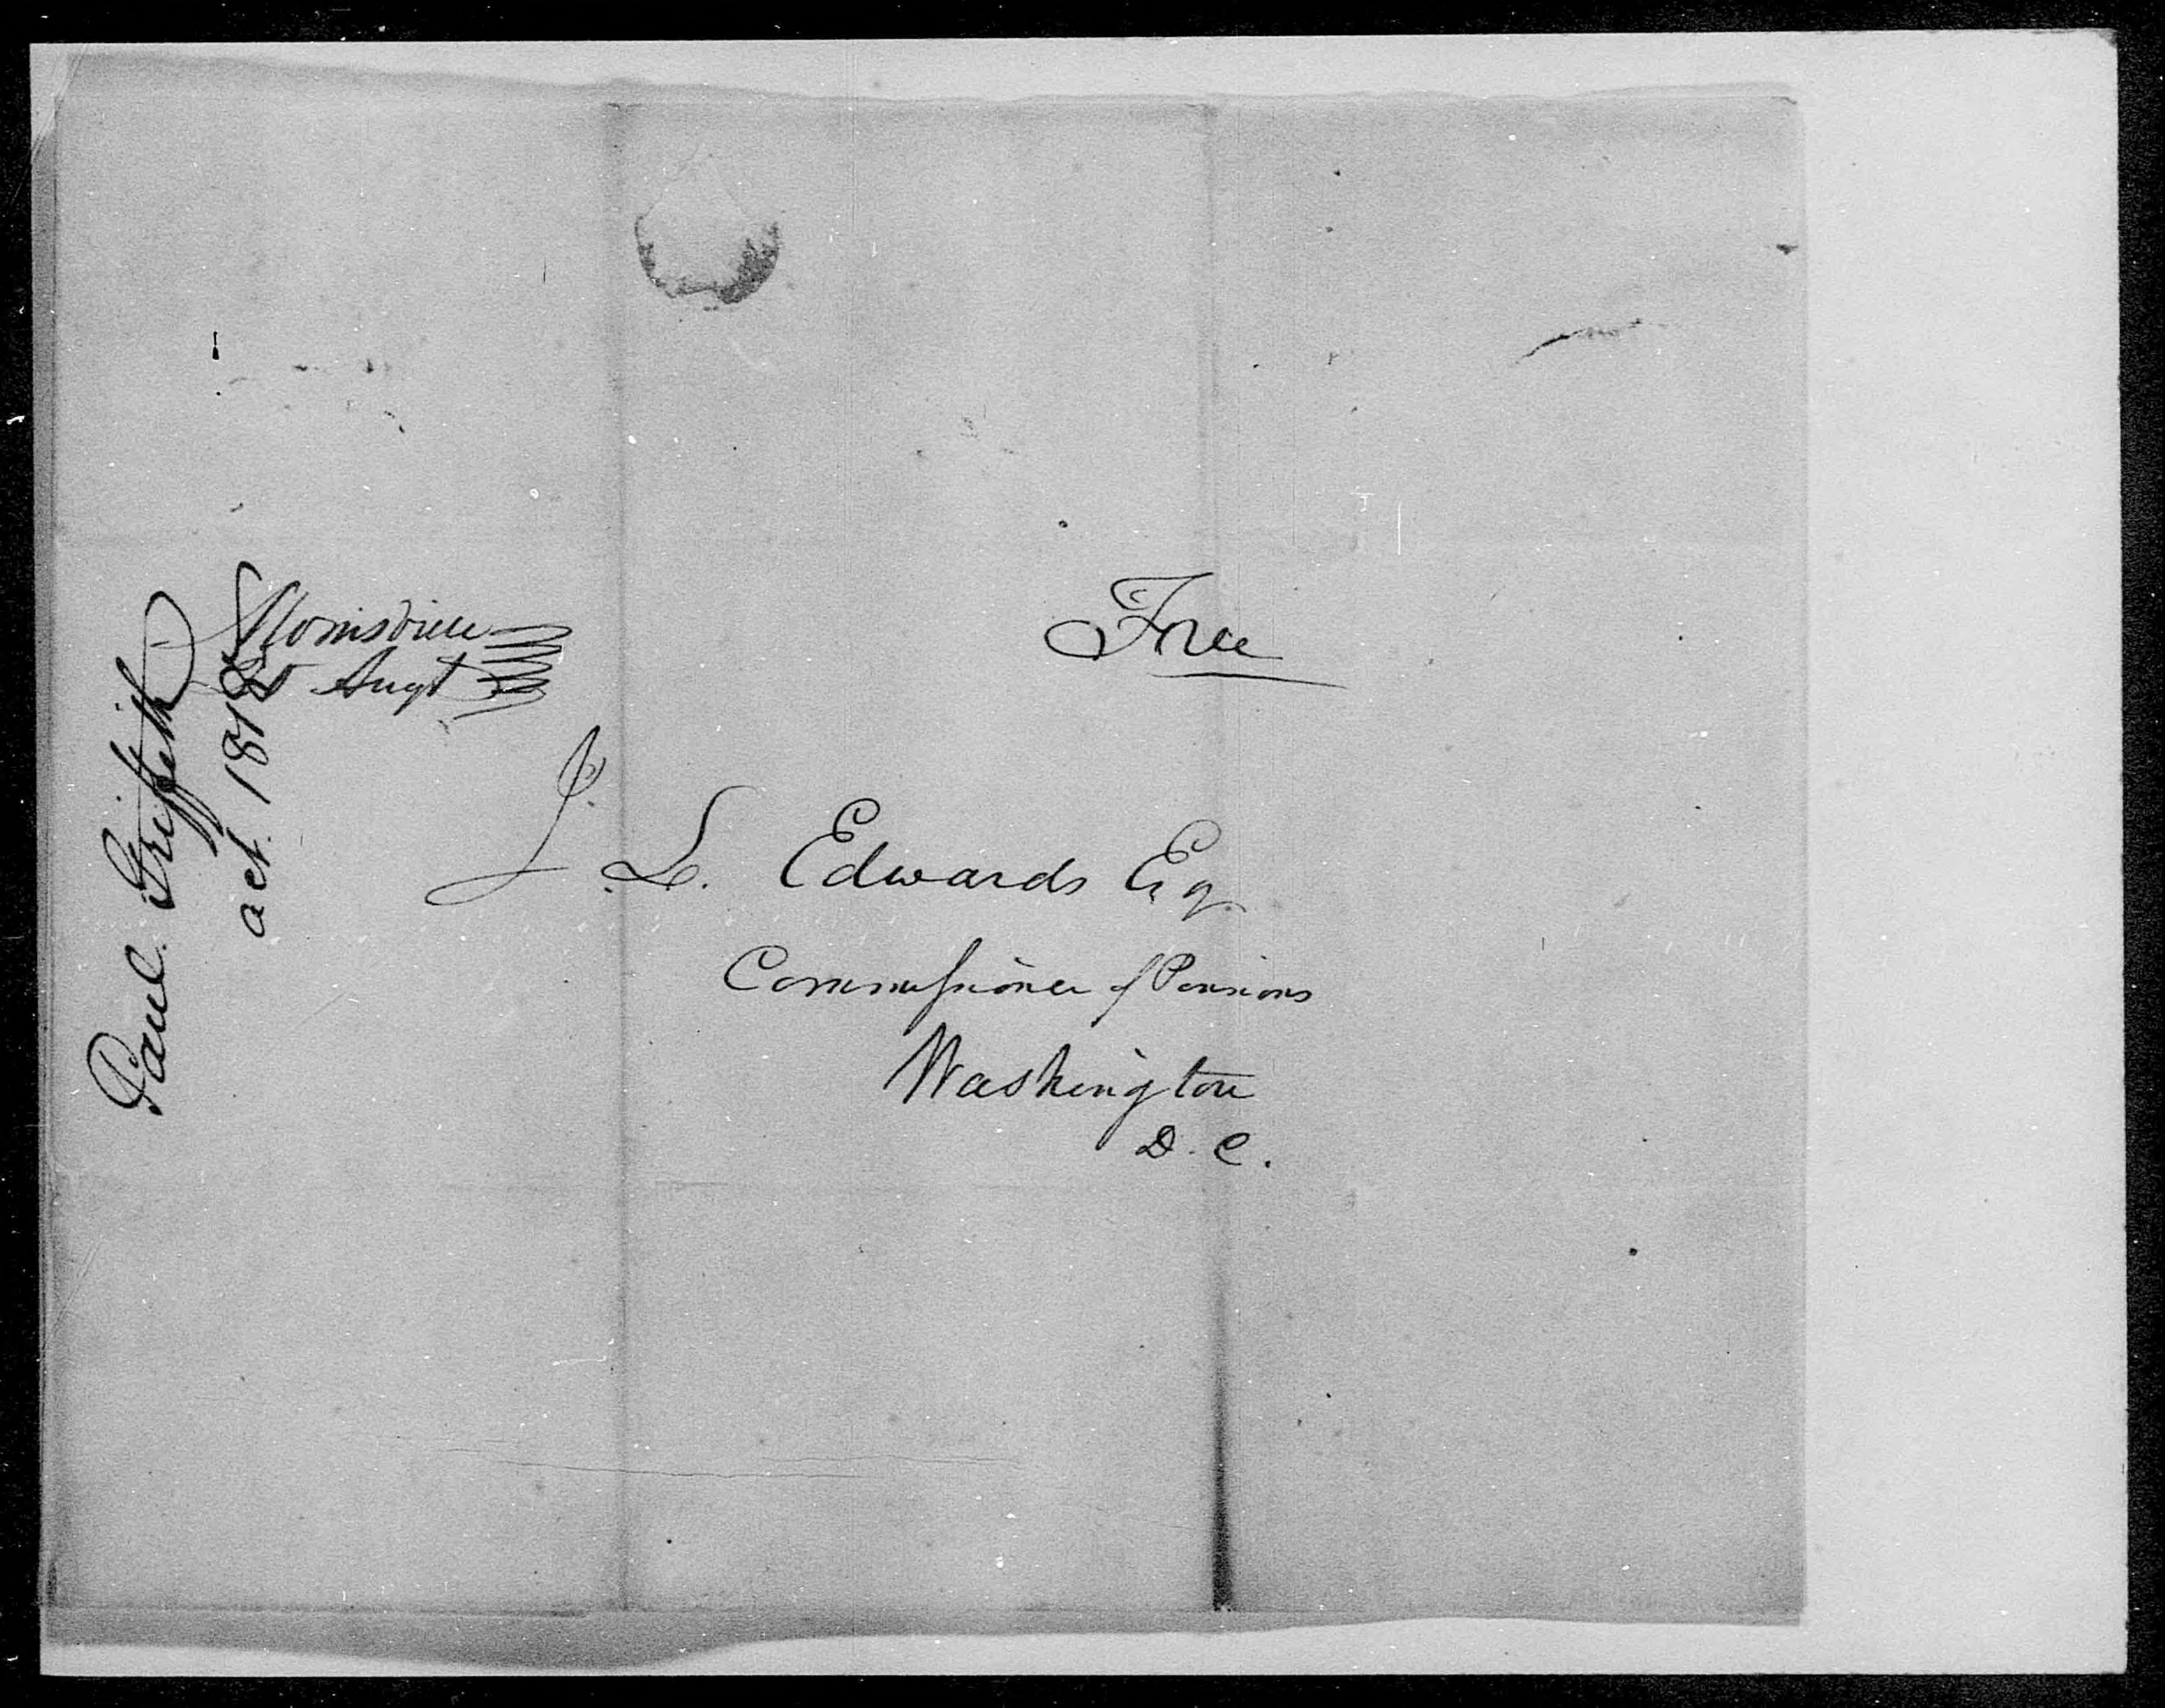Paul Griffith
Act 1818
Morrisville
20 Aug't.
Free
J. L. Edwards Esq.
Commissioner of Pensions
Washington
D. C.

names: J L Edwards, Paul Griffith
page: 49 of 61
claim: survivor's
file: S. 22798, Paul Griffiths, R.I.